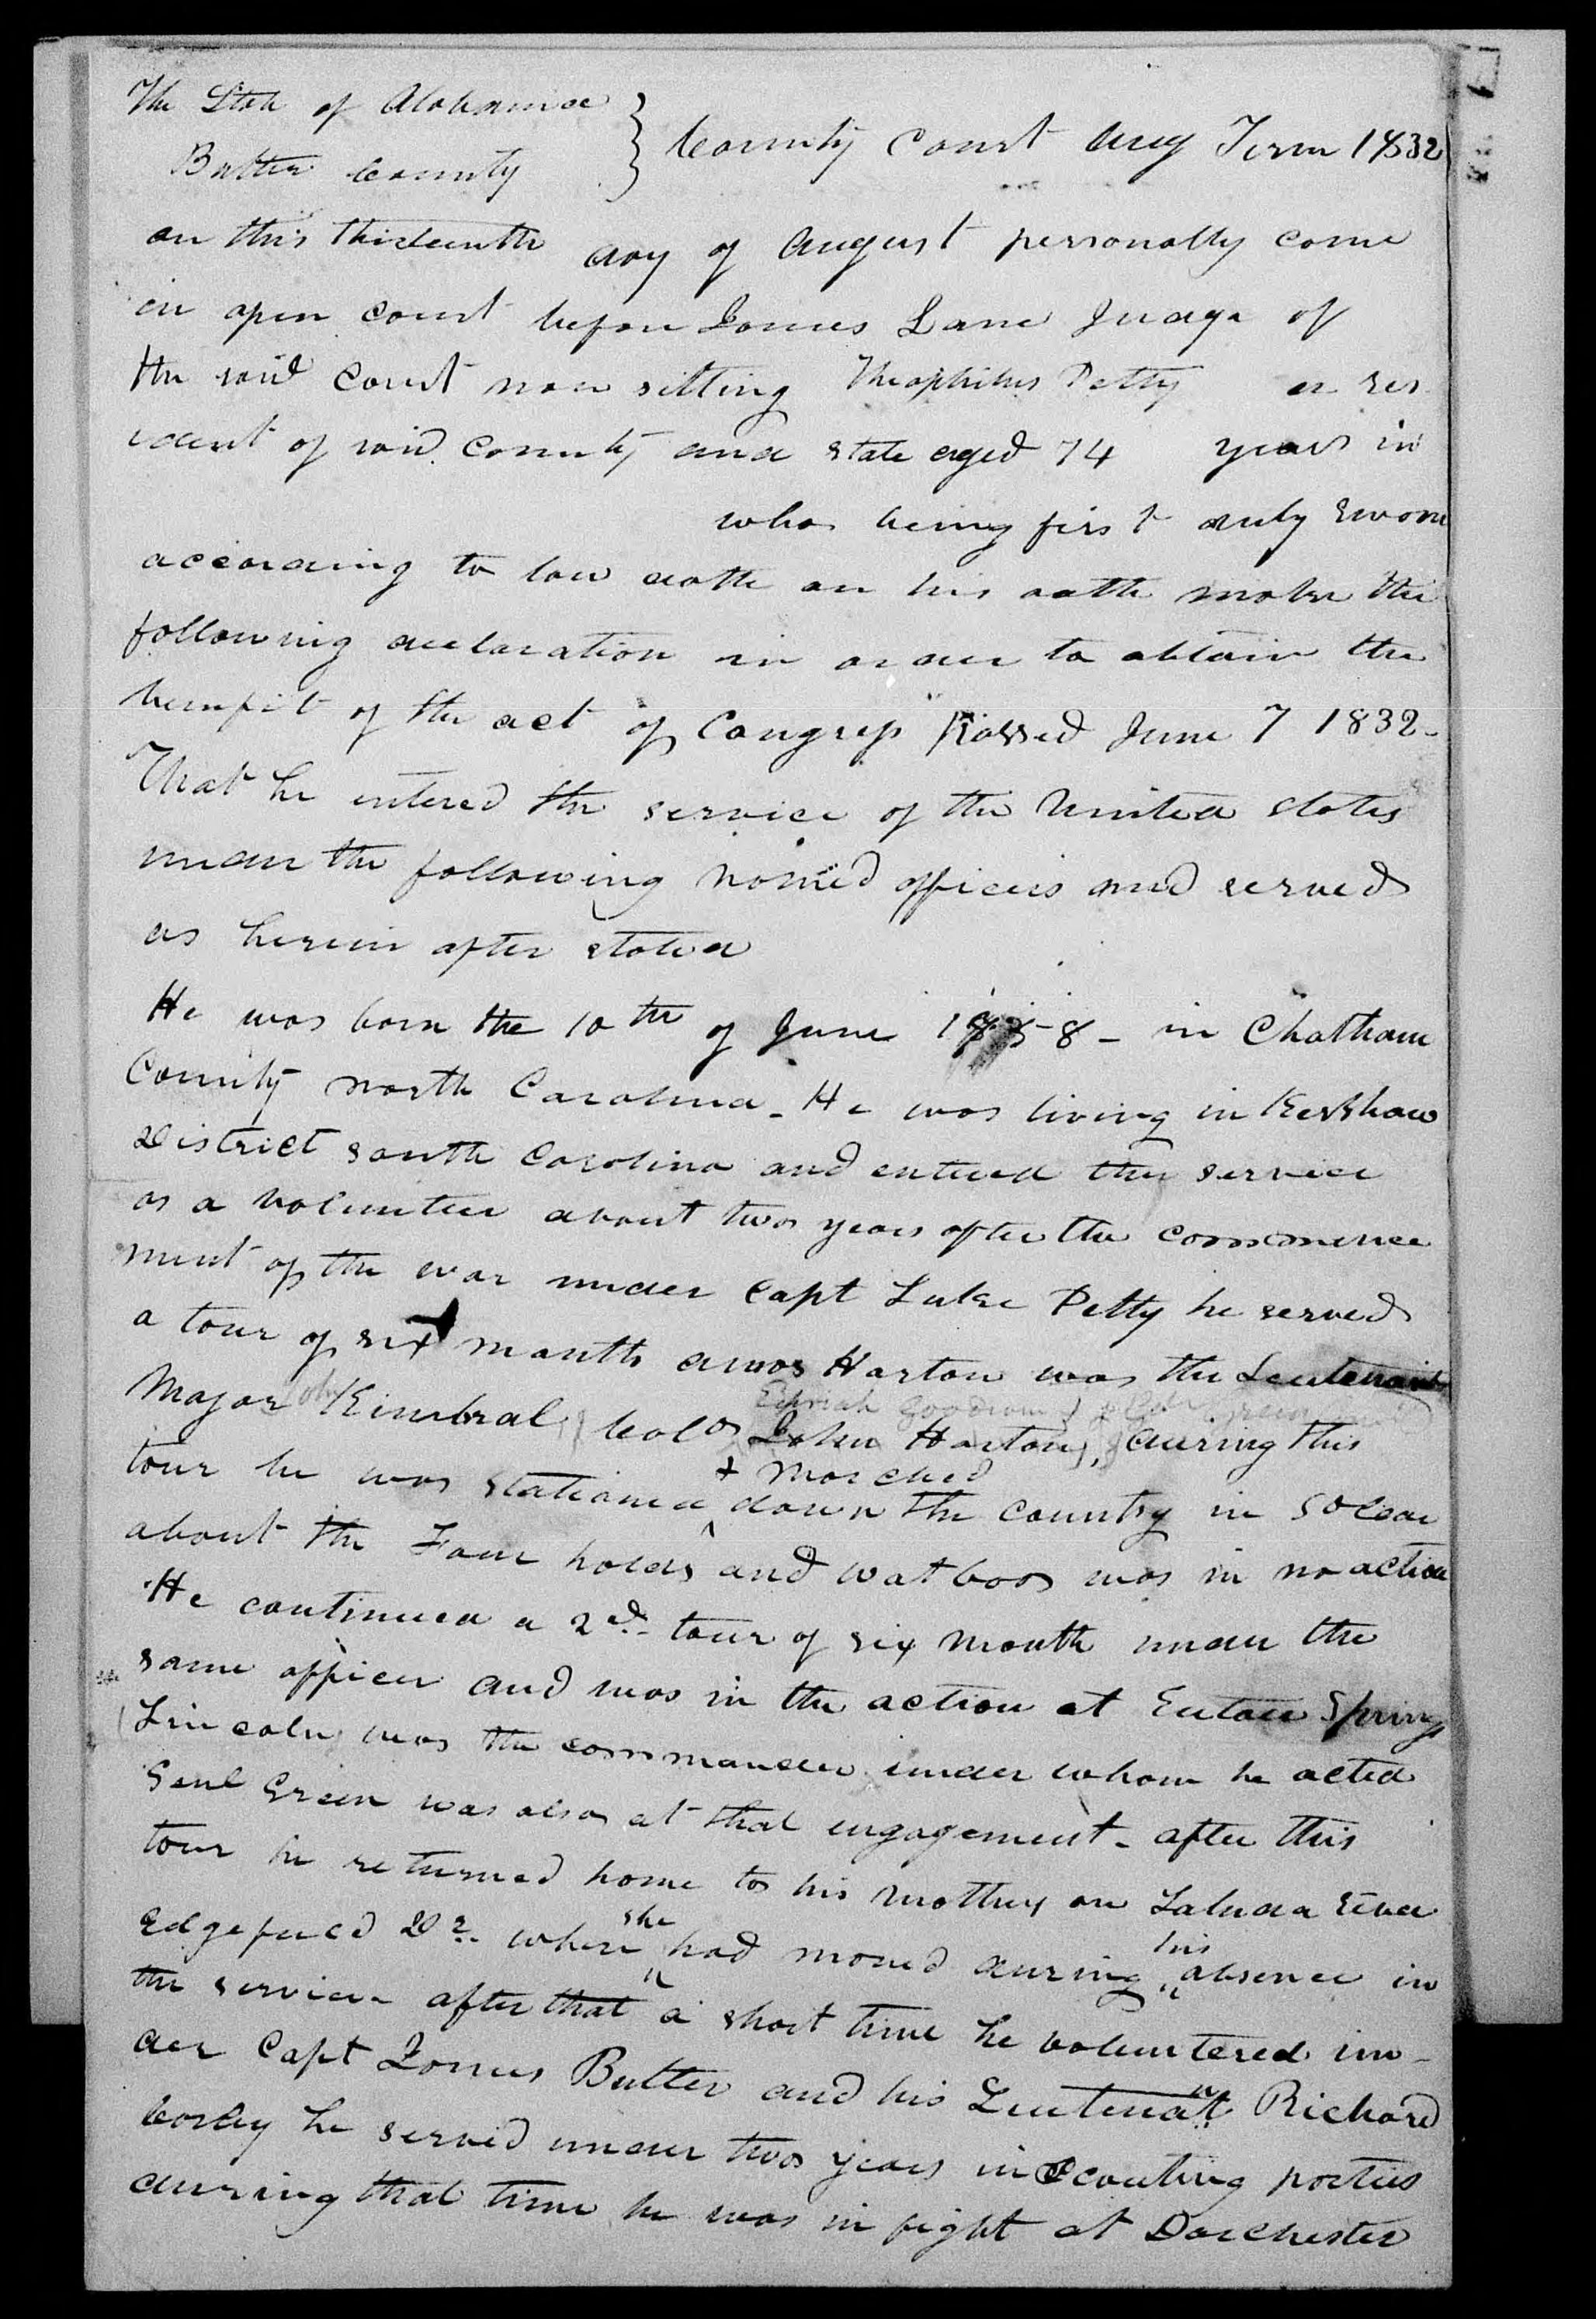The State of Alabama
Butler County
County Court Aug Term 1832
on this thirteenth day of August personally come
in open court before Jones Lane Judge of
the said Court now sitting Theophilus Petty
a resident of said County and State aged 74
years in who being first duly sworn
according to law doth on his oath make the
following declaration in order to obtain the
benefit of the act of Congress passed June 7 1832 - That he entered the service of the United States under the following named officers and served as herein after stated
He was born the 10th of June 1758 - in Chatham
County North Carolina. He was living in Kershaw
District South Carolina and entered the service
as a volunteer about two years after the commencement of the war under Capt Luke Petty he served a tour of six month Amos Horton was the Lieutenant, Major John Kimbral, Colo ^Epriah Goodwin & Colo Green  [illegible], during this tour he was stationed ^& marched^ down the country in solear 
about - the Four holds and watbon was in no action
He continued a 2nd tour of six month under the
same officer and was in the action at Eutaw Springs
Lincoln was the commander under whom he acted Saul Green was also at that engagement - after this town he returned home to his mothers on Laluaa Fence Edgefield Dr. where she had moved during his absence in the service - after that a short time he volunteered under Capt James Butler and his Lieutenant Richard Corley he served under two years in scouting parties
during that time he was in fight at Dorchester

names: John Kimbral; [BLANK] Green; Epriah Goodwin; Amos Horton; James Butler; James Lane; Richard Corley; Luke Petty; Theophilus Petty; John Horton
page: 7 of 26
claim: rejected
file: R. 8,161, for Theophilus Petty, South Carolina